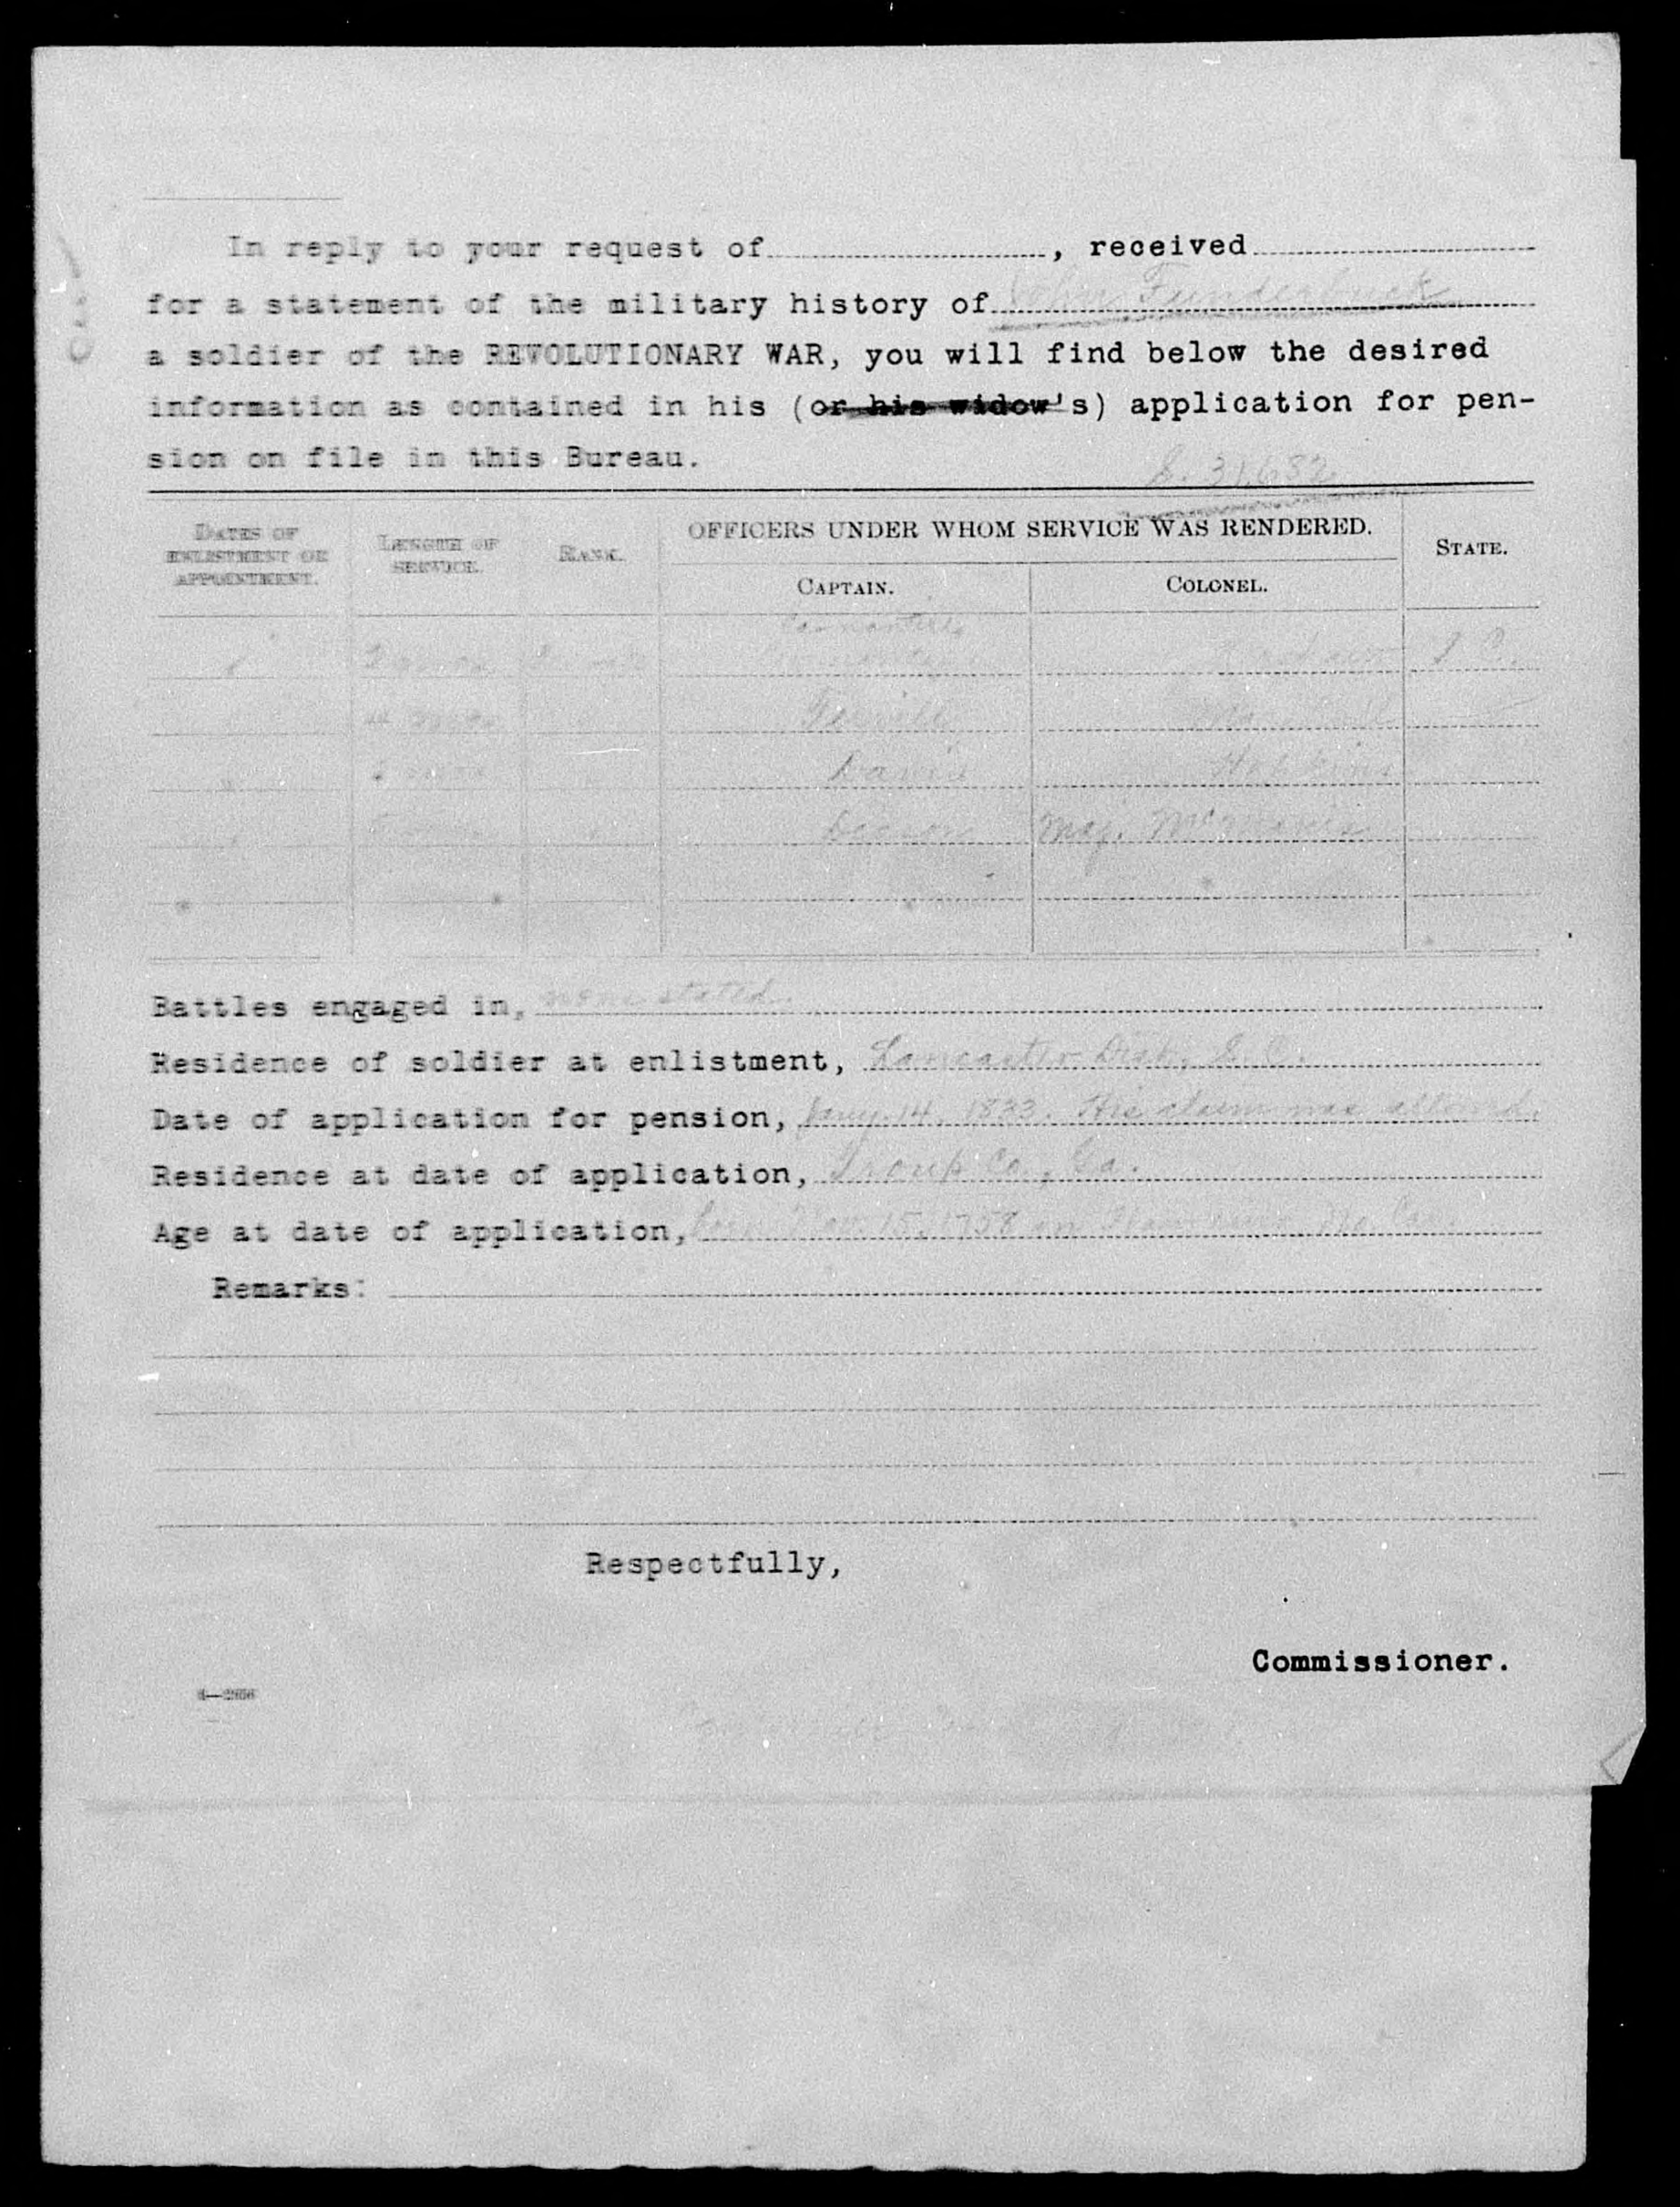[This is a form with very faint handwritten entries] 

In reply to your request of ................................., received .....................................
for a statement of the military history of John Funderbuck
a soldier of the REVOLUTIONARY WAR, you will find below the desired 
information as contained in his (or his widow's)[crossed out] application for pen-
sion on file in this Bureau.

S.31682

[Table columns are printed, handwritten entries are very faint]

[Column 1] DATES OF ENLISTMENT OR APPOINTMENT.
[illegible]

[Column 2]  LENGTH OF SERVICE.
2 [illegible]
4 [illegible]
[illegible]

[Column 3] RANK.
[illegible]

[Column 4] OFFICERS UNDER WHOM SERVICE WAS RENDERED
CAPTAIN.
[illegible]
Terrill
Davis
Deason

[Column 5] OFFICERS UNDER WHOM SERVICE WAS RENDERED
COLONEL.
[illegible]
[illegible]
Hopkins
Maj. McManis

[Column 6] STATE.
S C


Battles engaged in, none stated
Residence of soldier at enlistment, Lancaster Dist, S.C.
Date of application for pension, Jany 14 1833. His claim was [illegible, allowed? altered?].
Residence at date of application, Troup Co, Ga.
Age at date of application, born Nov 15 1758 in Haw River No. Car.
Remarks: .........................................................
Respectfully,
Commissioner.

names: Dodson, Daniel, Mc Morris, John Funderbuck, Hopkins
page: 18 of 23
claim: survivor's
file: S. 31,682, John Funderbuck, S.C.